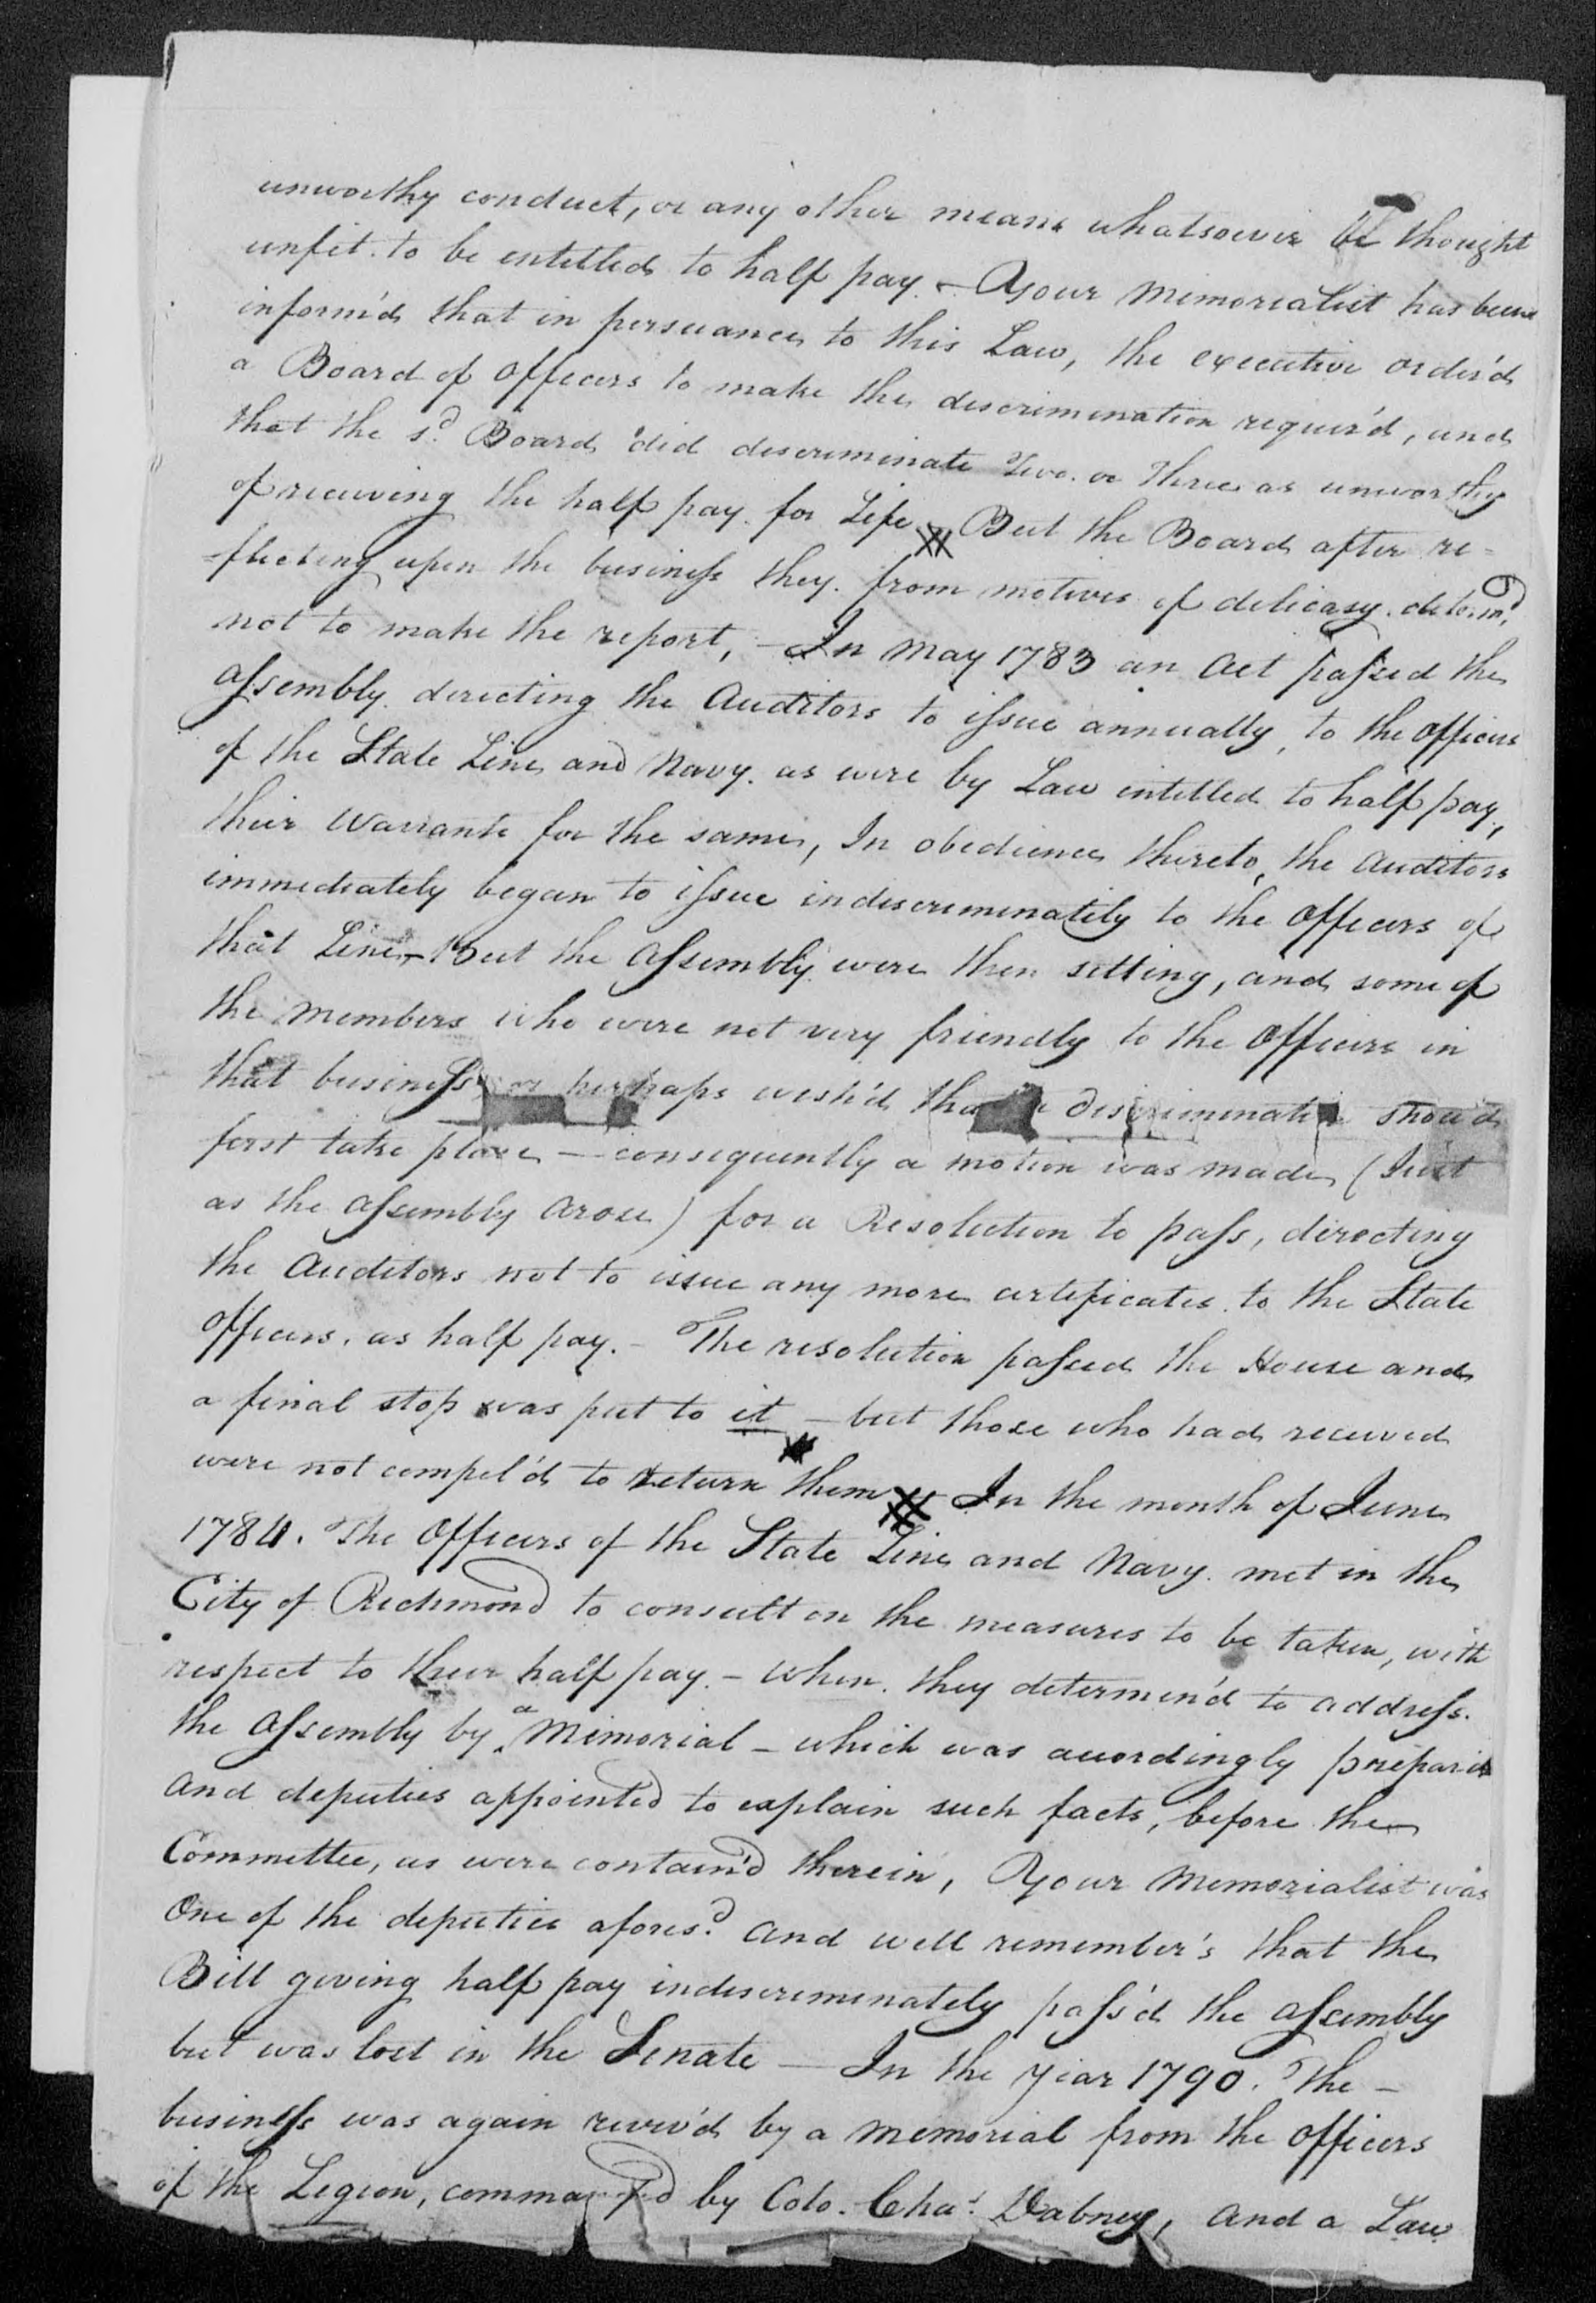unworthy conduct, or any other means whatsoever be thought unfit to be entitled to half pay --- Your Memorialist has been informed that in persuance to this Law, the executive order'd a Board of Officers to make the discrimination requir'd, and, that the sd. Board did discriminate Two. or Three as unworthy of receiving the half pay for Life #[subscript #]  But the Board after reflection upon the business  they. from motives of delicacy. determ'd not to make the report, -- In May 1783 an Act passed the Assembly directing the Auditors to issue annually, to the officers of the State Line and Navy. as were by Law entitled to half pay, their warrants for the same, In obedience thereto, the Auditors immediately began to issue indiscriminately to the officers of that Line. But the Assembly were then sitting, and some of the members who were not very friendly to the officers in that business, even perhaps wish'd that or discrimination shou'd first take place  --- consequently a motion was made (first as the Assembly arose) for a Resolution to pass, directing the Auditors not to issue any more certificates to the State officers, as half pay.  The resolution passed the House and a final stop was put to it [underline "it"] -- but those who had received were not compel'd to return them # [subscript #]. In the month of June 1784. The Officers of the State Line and Navy met in the City of Richmond to consult on the measures to be taken, with respect to their half pay -- when they determin'd to address. the Assembly by a Memorial __ which was accordingly prepar'd and deputies appointed to explain such facts, before the Committee, as were contained therein,  Your Memorialist was One of the deputies aforesd. and well remember's that the Bill giving half pay indiscriminately pass'd the Assembly but was lost in the Senate --- In the year 1790. The -- business was again reviv'd by a memorial from the Officers of the Line, commanded by Colonel. Chas. Dabney, and a Law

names: Chas Dabney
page: 105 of 267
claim: widow's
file: W. 4,149, William Campbell, Va.